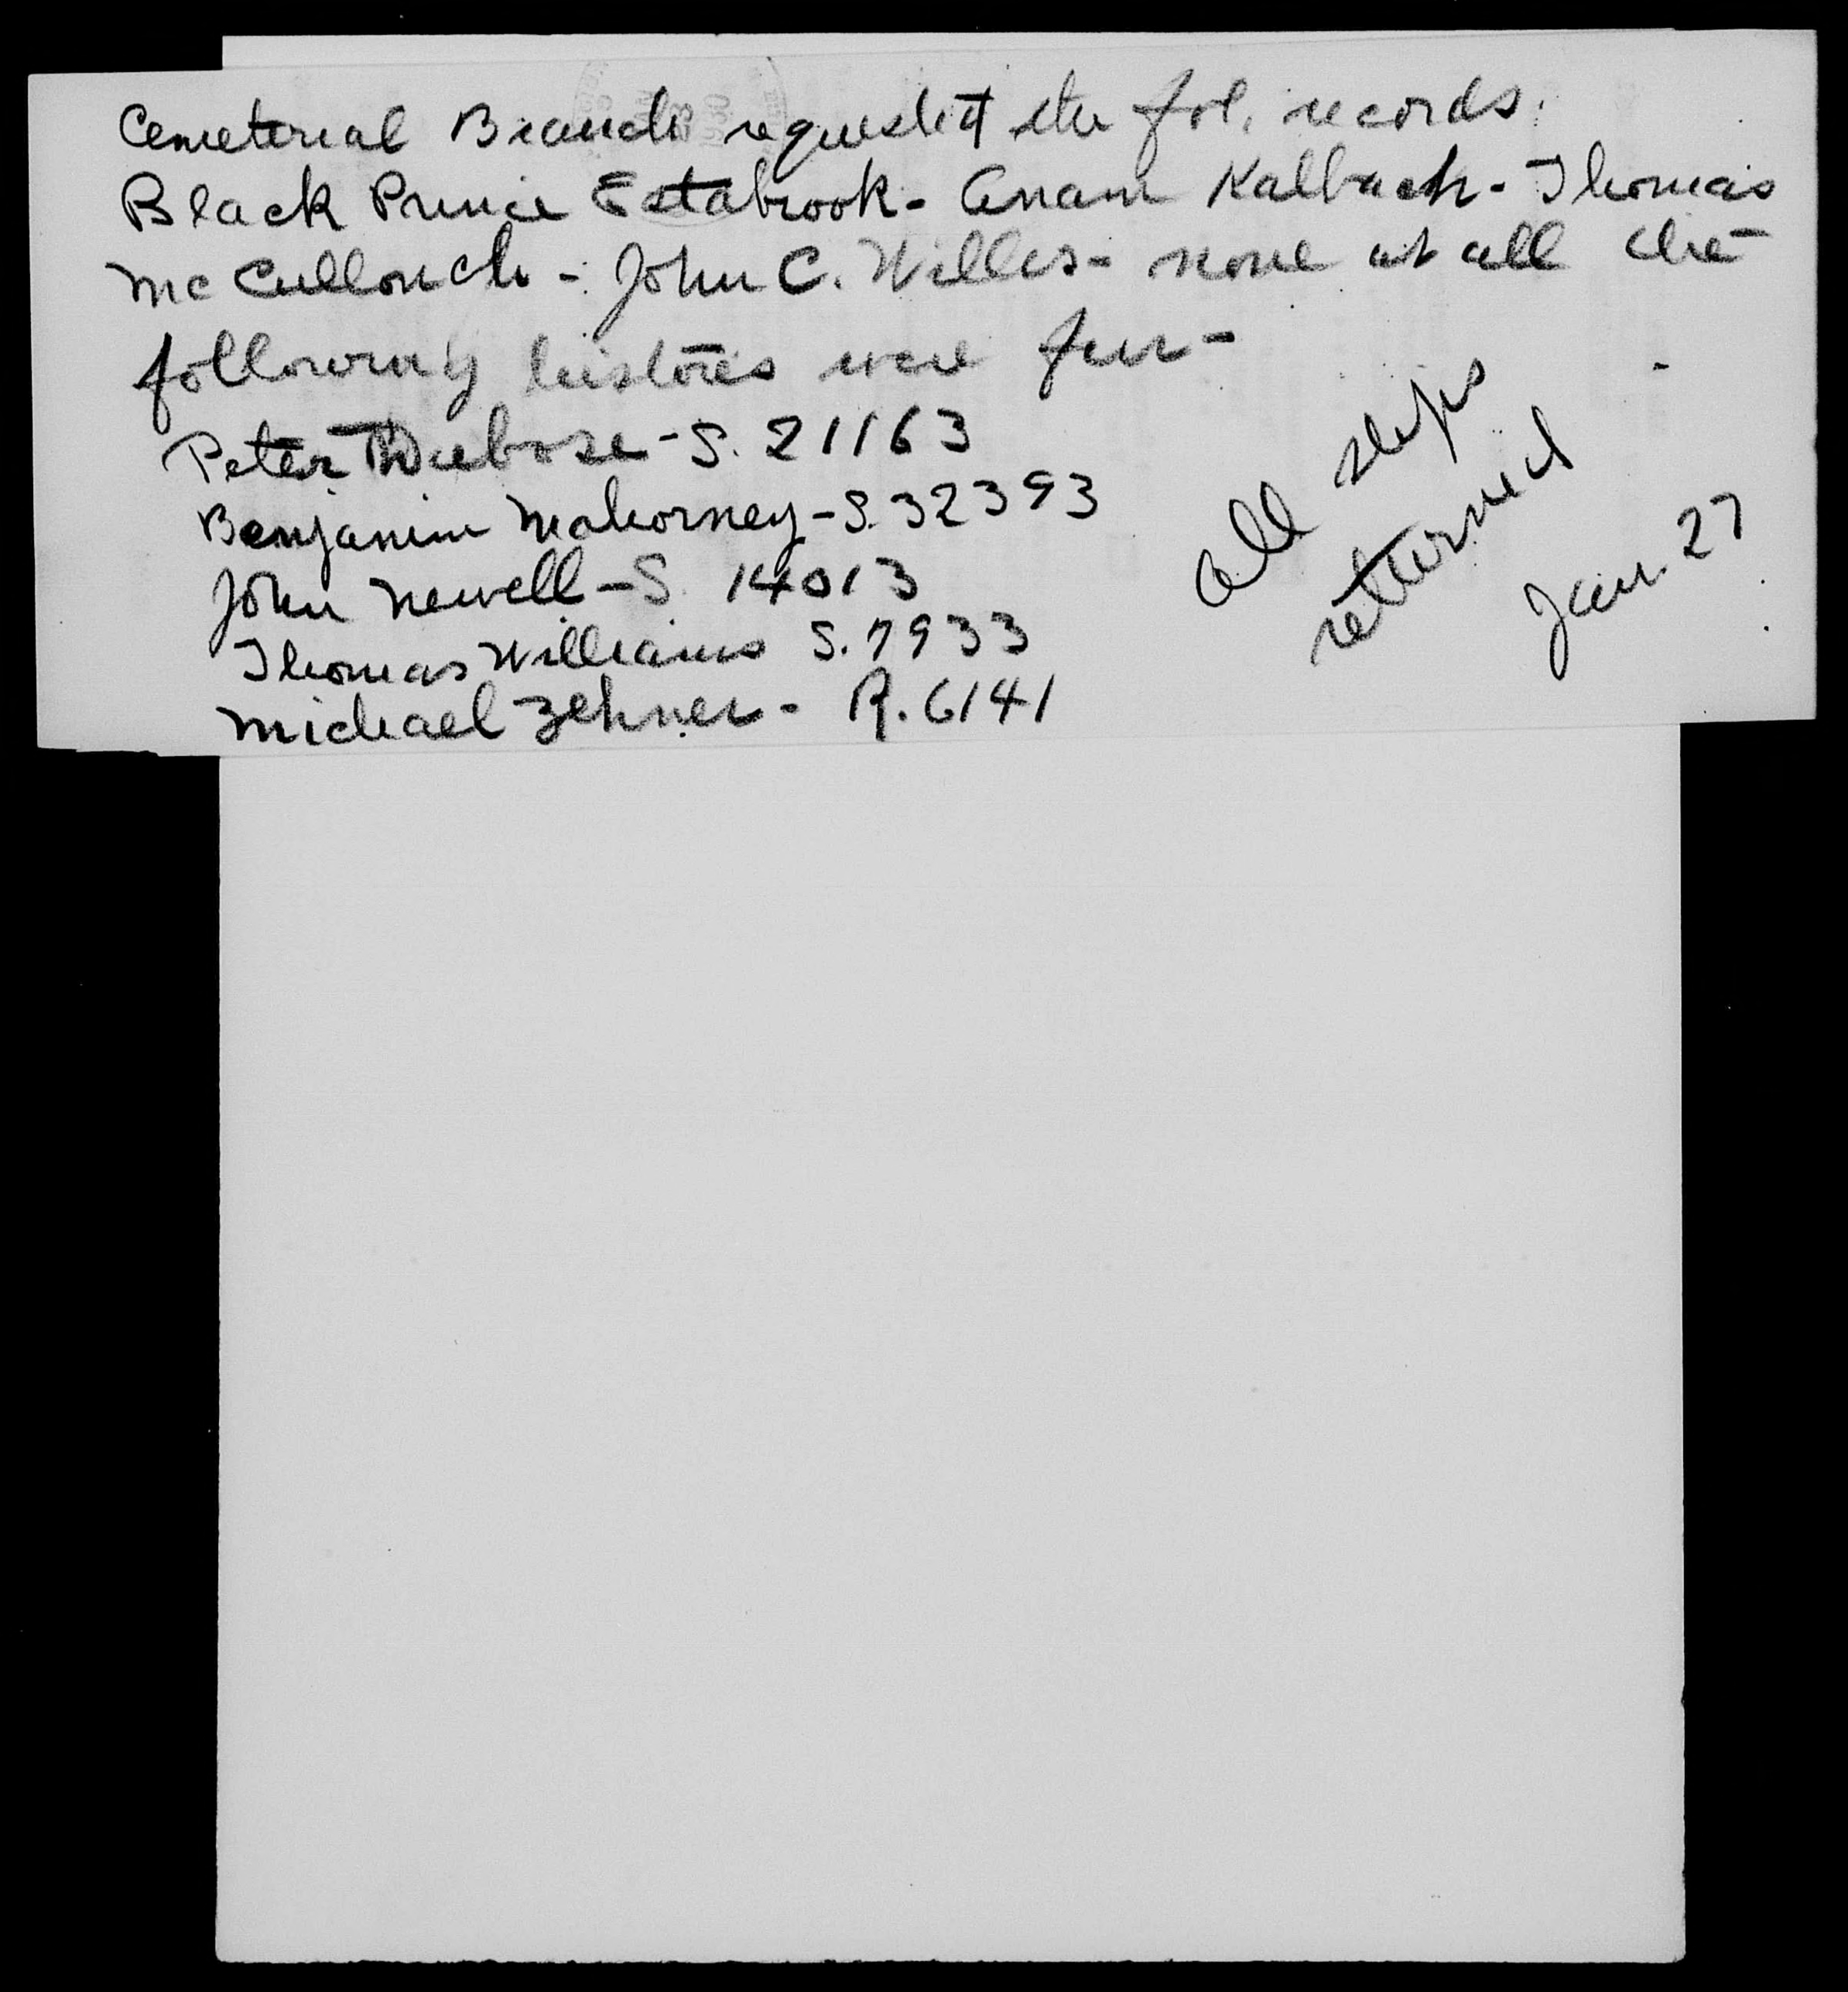Cemeterial Branch requested the fol. records Black Prince Estabrook - Anan Kalbach - Thomas McCullouch - John C. Miller  - none at all the following  histories were fur.  Peter Dubose  - S. 21163 , Benjamin Mahoney - S. 32393 , John Newell - S. 14013 , Thomas Williams - S. 7933 , Michael Zehner - R. 6141  ( note ) ( all slips returned  Jan 27 )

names: Michael Zehner, John Newell, Thomas Williams, Benjamin Mahorney, Thomas Mc Cullouch, Peter Dubose, John C Willes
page: 36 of 43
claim: survivor's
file: S. 21163, Peter Dubose, S.C.